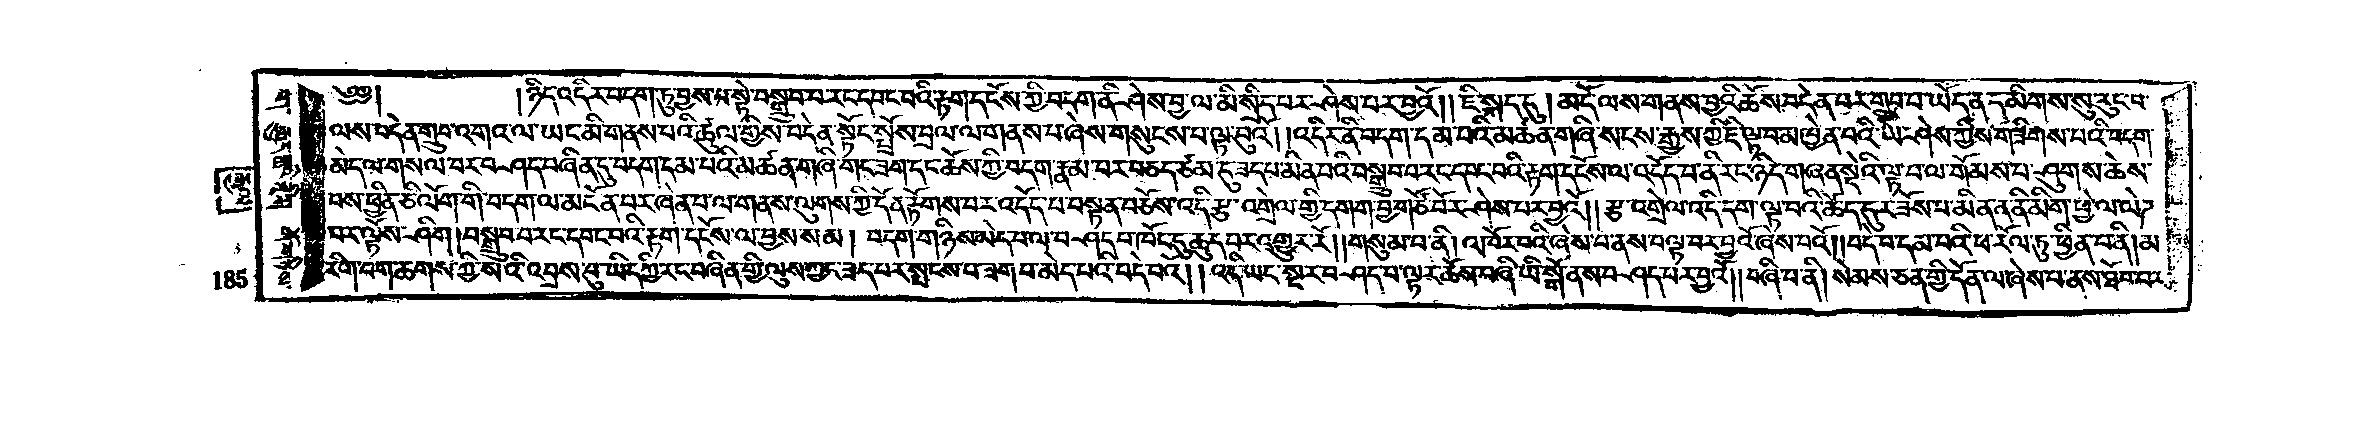༄༅། །ཉིད་འདིར་བདག་ཏུ་བྱས་པ་སྟེ་བསྒྲུབ་པ་རང་དབང་པའི་རྟག་དངོས་ཀྱི་བདག་ནི་ཤེས་བྱ་ལ་མི་སྲིད་པར་ཤེས་པར་བྱའོ། །ཇི་སྐད་དུ། མདོ་ལས་གནས་བྱའི་ཆོས་བདེན་པར་གྲུབ་པ་ཡོད་ན་དམིགས་སུ་རུང་བ་
ལས་བདེན་གྲུབ་འགའ་ལ་ཡང་མི་གནས་པའི་ཚུལ་གྱིས་བདེན་སྟོང་སྤྲོས་བྲལ་ལ་གནས་པ་ཞེས་གསུངས་པ་ལྟ་བུའོ། །འདིར་ནི་བདག་དམ་པའི་མཚན་གཞི་སངས་རྒྱས་ཀྱི་ཇི་ལྟ་བ་མཁྱེན་པའི་ཡེ་ཤེས་ཀྱིས་གཟིགས་པའི་བདག་
མེད་ལ་གསལ་བར་བཤད་བཞིན་དུ་བདག་དམ་པའི་མཚན་གཞི་གང་ཟག་དང་ཆོས་ཀྱི་བདག་རྣམ་པར་བཅད་ཙམ་དུ་ཟད་པ་མིན་པའི་བསྒྲུབ་པ་རང་དབང་བའི་རྟག་དངོས་ལ་འདོད་པ་ནི་རང་ཉིད་གཞན་སྡེའི་ལྟ་བ་ལ་གོམས་པ་ཤུགས་ཆེས་
པས་ཕྱིན་ཅི་ལོག་གི་བདག་ལ་མངོན་པར་ཞེན་པ་ལ་གནས་ལུགས་ཀྱི་དོན་རྟོགས་པར་འདོད་པ་བསྟན་བཅོས་འདི་རྩ་འགྲེལ་གྱི་དགག་བྱ་གཙོ་བོར་ཤེས་པར་བྱའོ། །རྩ་འགྲེལ་འདི་དག་ལྟ་བའི་ཚེད་དུར་ཟོས་པ་མིན་ན་ནི་མིག་ཕྱེ་ལ་ལེགས་
པར་ལྟོས་ཤིག །བསྒྲུབ་པ་རང་དབང་བའི་རྟག་དངོས་ལ་བྱས་སམ། བདག་གཉིས་མེད་པ་ལ་བཤད་པ་ཁོང་དུ་ཆུད་པར་འགྱུར་རོ། །གསུམ་པ་ནི། འཁོར་བའི་ཞེས་པ་ནས་བལྟ་བར་བྱའོ་ཞེས་པའོ། །བདེ་བ་དམ་པའི་ཕ་རོལ་ཏུ་ཕྱིན་པ་ནི། མ་
རིག་བག་ཆགས་ཀྱི་སའི་འབྲས་བུ་ཡིད་ཀྱི་རང་བཞིན་གྱི་ལུས་ཀྱང་ཟད་པར་སྤངས་པ་ཟག་པ་མེད་པའི་བདེ་བའོ། །འདི་ཡང་སྔར་བཤད་པ་ལྟར་ཆོས་བཞི་ཡི་སྒོ་ནས་བཤད་པར་བྱའོ། །བཞི་པ་ནི། སེམས་ཅན་གྱི་དོན་ལ་ཞེས་པ་ནས་ཐོབ་པར་